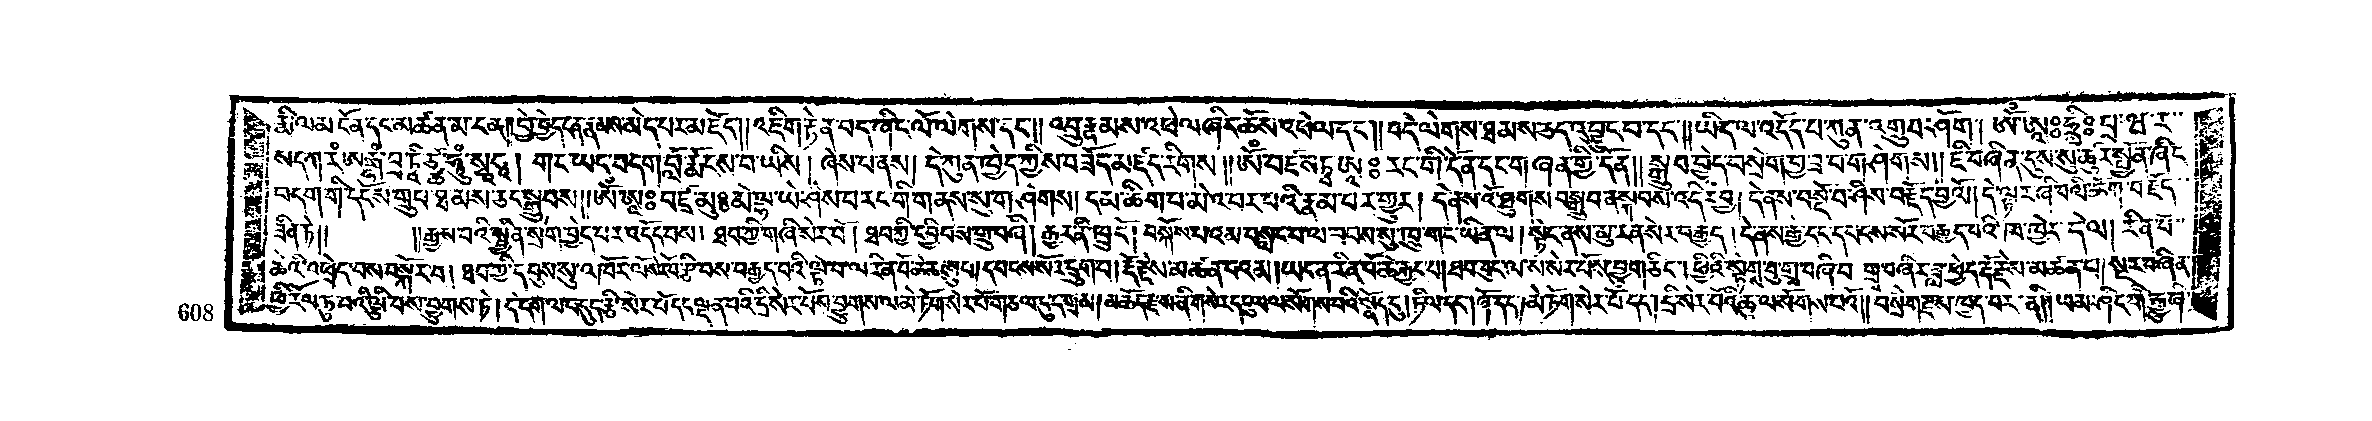རྨི་ལམ་ངོན་དང་མཚན་མ་ངན། །བྱ་བྱེད་ངན་རྣམས་མེད་པར་མཛོད། །འཇིག་རྟེན་བདེ་ཞིང་ལོ་ལེགས་དང་། །འབྲུ་རྣམས་འཕེལ་ཞིང་ཆོས་འཕེལ་དང་། །བདེ་ལེགས་ཐམས་ཅད་འབྱུང་བ་དང་། །ཡིད་ལ་འདོད་པ་ཀུན་འགྲུབ་ཤོག །ཨོཾ་ཨཱཿ ཧྲཱིཿ པྲ་ཝ་ར་
སང་ཀ་རཾ་ཨརྒྷཾ་པྲ་ཏཱི་ཙཚ་ཧཱུཾ་སVའ་ཧཱ། གང་ཡང་བདག་བློ་རྨོངས་པ་ཡིས། ཞེས་པ་ནས། དེ་ཀུན་ཁྱེད་ཀྱིས་བཟོད་མཛད་རིགས། །ཨོཾ་བྫྲ་སཏVཨ་ཨཱཿ རང་གི་དོན་དང་གཞན་གྱི་དོན། །སྒྲུབ་བྱེད་བསྲེག་བྱ་ཟ་བ་གཤེགས། །ཇི་བཞིན་དུས་སུ་ཚུར་སྤྱོན་ཞིང།།
བདག་གི་དངོས་གྲུབ་ཐམས་ཅད་སྒྲུབས། །{ཨོཾ་ཨཱཿ བྫྲ་མུཿ}མེ་ལྷ་ཡེ་ཤེས་པ་རང་གི་གནས་སུ་གཤེགས། དམ་ཚིག་པ་མེ་འབར་བའི་རྣམ་པར་གྱུར། དེ་ནས་འོ་ཐུགས་བསྒྲུབ་ན་སྐབས་འདིར་བྱ། དེ་ནས་བསྔོ་བ་ཤིས་བརྗོད་བྱའོ། །དེ་ལྟར་ཞི་བའི་ཆོ་ག་བརྗོད་
ཟིན་ཏེ།། །།རྒྱས་བའི་སྦྱིན་སྲེག་བྱེད་པར་འདོད་པས། ཐབ་ཀྱི་གཞི་སེར་པོ། ཐབ་ཀྱི་དབྱིབས་གྲུ་བཞི། རྒྱར་ནི་ཁྲུང་ངོ། བསྐོས་པའམ་བསླང་པ་ལ་ཟབས་སུ་ཁྲུ་གང་ཡིན་ལ། སྟེང་ནས་མུ་རན་སེར་བརྒྱད། དེ་ནས་རྒྱ་དང་དཔངས་སོར་བརྒྱད་པའི་ཁ་ཁྱེར་དེ་ལ། རིན་པོ་
ཆེའི་འཕྲེང་བས་བསྐོར་བ། ཐབ་ཀྱི་དབུས་སུ་འཁོར་ལོ་སེར་པོ་རྩིབས་བརྒྱད་པའི་ལྟེ་བ་ལ་རིན་པོ་ཆེ་ཆ་དྲུག་པ། དབངས་སོར་དྲུག་པ། རྡོ་རྗེས་མཚན་པའམ། ཡང་ན་རིན་པོ་ཆེ་རྐྱང་པ། ཐབ་བུང་ལ་ས་སེར་པོས་བྱུང་ཅིང་། ཕྱིའི་སྟེགས་བུ་གརVཨ་བཞི་བ་གརVཨ་བཞིར་ཟླ་ཕྱེད་རྡོ་རྗེས་མཚན་པ། སྔར་བཞིན་
ཕྱི་རོལ་ཏུ་བའི་ལྕི་བས་བྱུགས་ཏེ། དེ་དག་ལ་བདུད་རྩི་སེར་པོ་དང་ལྡན་པའི་དྲི་སེར་པོས་བྱུགས་ལ་མེ་ཏོག་སེར་པོ་གཅལ་དུ་དགྲམ། མཆོད་རྫས་ནི་གསེར་དངུལ་ལ་སོགས་པའི་སྣོད་དུ། ཏིལ་དང་། ཞོ་དང་། མེ་ཏོག་སེར་པོ་དང་། དྲི་སེར་པོའི་ཆུ་ལ་སོགས་པའོ། །བསྲེག་རྫས་ཁྱད་པར་ནི། །ཡམ་ཤིང་གི་རྒྱུ་ཞི་